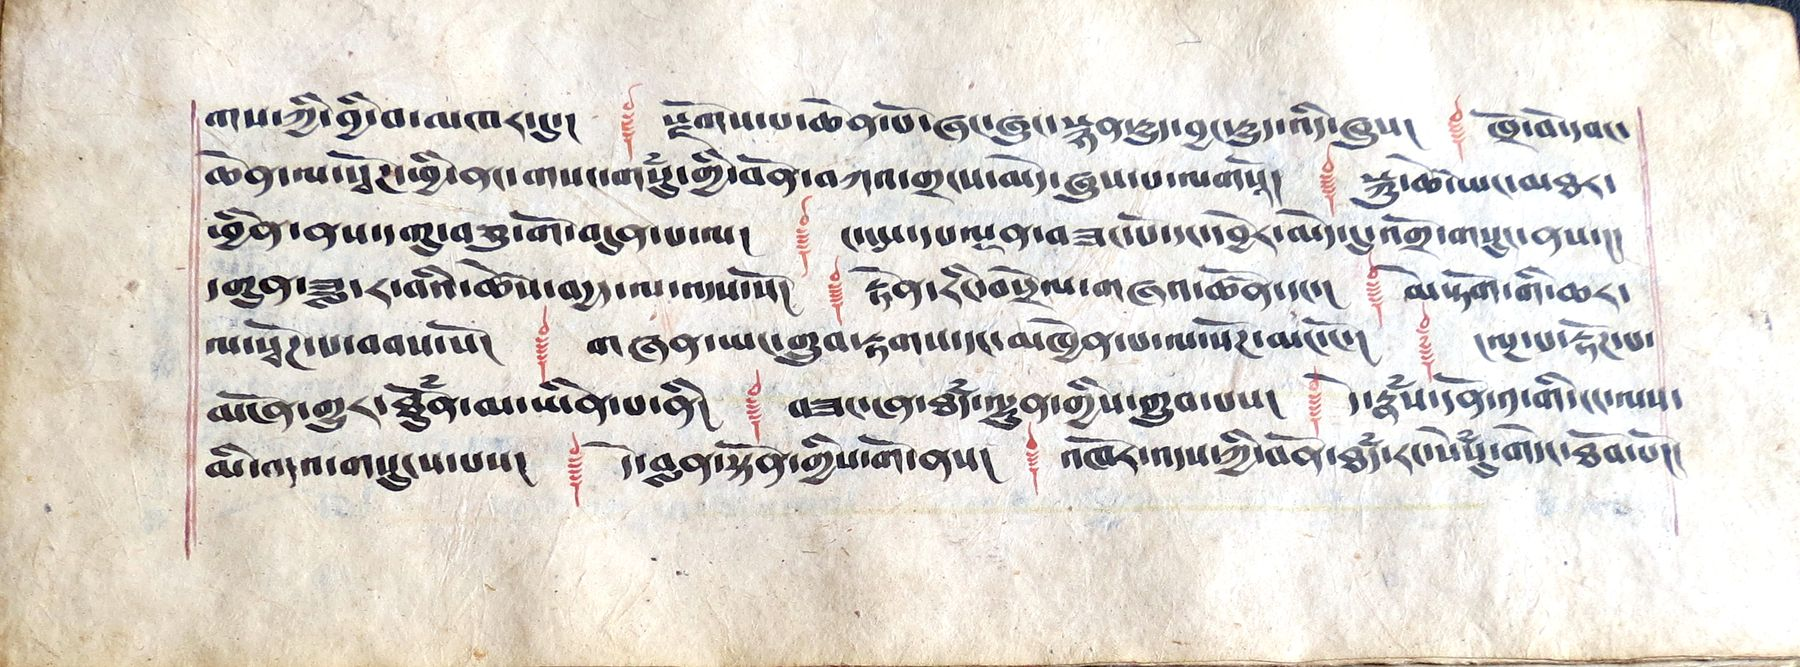གད་ཀྱི་བྱི་བ་མཁར་དུ་རྫོགས་པ་ཆེན་པོ་ཞང་ཞུང་སྙན་རྒྱུད་བྱང་རྒྱུད་འདི་ཞུས། ཁྲོ་བོ་དབང་
ཆེན་ལས་སོགས་ཕྱི་ནང་གསང་གསུམ་གྱི་བོན་བཀའ་གྲངས་མེད་ཞུས་པ་ལགས་སོ། སྐུ་ཚེ་ཡང་མཐར་
ཕྱིན་ནས་དགུ་བཅུ་གོ་བདུན་ལ། ང་སྤ་དཔལ་ལྡན་བཟང་པོ་དང་དབྱེར་མེད་དུ་འགྲོ་གསུངས་ནས། 
དགུན་ཟླ་ར་བའི་ཚེས་བརྒྱད་ལ་འདས་སོ། ། རྟེན་རིང་བསྲེལ་གཞའ་ཚོན་དང་མེ་ཏོག་གི་ཆར་
ལས་སོགས་པ་བབས་སོ། ། གཞན་ཡང་གྲུབ་རྟགས་དང་མཁྱེན་པ་ལས་སོགས་མང་ངོ། ལྔ་པ་རྟོགས་པ་
མངོན་གྱུར་ཐུན་མོང་མ་ཡིན་པ་ནི། བཟང་ངན་ཐམས་ཅད་ལྷུན་གྱིས་གྲུབ་པས། དེ་རྣམས་དོན་གཅིག་གི་ངང་ལས་
མི་འདའ་གསུངས་པས། དེ་གླན་སྟོན་གྱིས་གོ་ནས། འཁོར་འདས་ཀྱི་བོན་ཐམས་ཅད་རང་གི་སེམས་སུ་གདེང་ཐོབ་